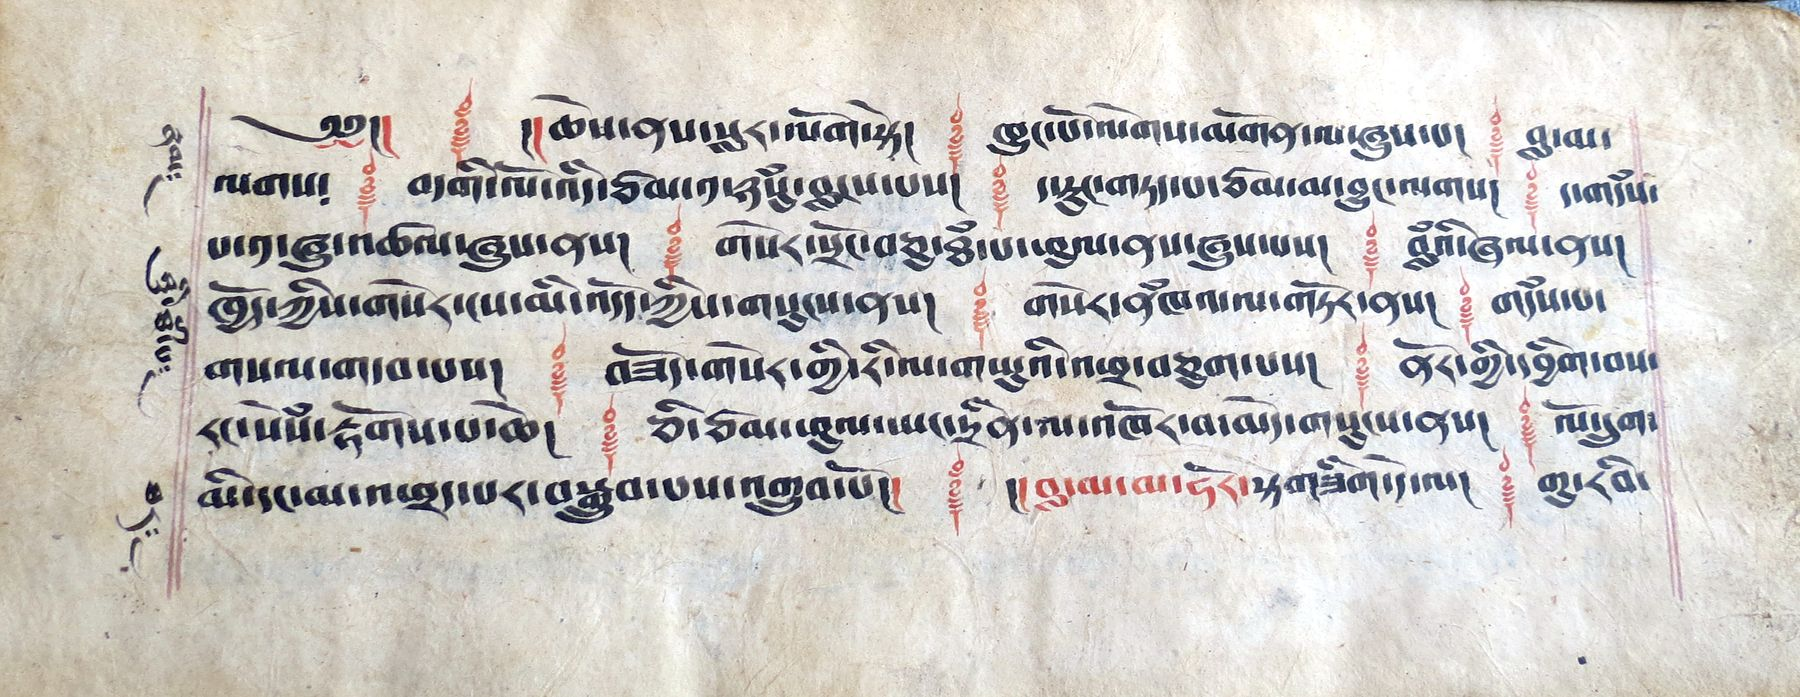ཆེས་ནས་སླར་ལོག་སྟེ། ཁྱུང་པོ་ལེགས་མགོན་ལ་ཞུས་པས། བླ་མ་
ལགས། བདག་གིས་ལོ་འདི་ཙམ་ཞིག་ཉམས་སུ་བླངས་པས། ད་རུང་ཡིད་གཏད་ཙམ་མ་བྱུང་ལགས། ད་གདམས་
པ་ཞིག་ཞུ་འཚལ་ཞུས་ནས། གསེར་སྲང་བཅུ་ཐམ་པ་ཕུལ་ནས་ཞུས་པས། བླ་མའི་ཞལ་ནས། 
ཁྱོད་ཀྱི་གསེར་ངས་མི་འདོད་ཀྱི་གསུངས་ནས། གསེར་ནམ་མཁའ་ལ་གཏོར་ནས། གདམས་པ་
གསལ་གདབ་པས། བཟོད་གསེར་གྱི་རི་ལ་གཡུའི་ཕྲ་བཅུག་པས། ནོར་གྱི་དབྱིག་བས་
རང་སེམས་རྟོགས་པ་ཆེ། ཅི་ཙམ་ཕུལ་ཡང་དྲིན་ལ་འཁོར་བ་མེད་གསུངས་ནས། ལོ་དྲུག་
མི་དང་མ་འཕྲད་པར་བསྒྲུབས་པས་གྲུབ་བོ། བླ་མ་མ་ཧོར་སྟག་གཟིག་དེ་ལ། གུ་རིབ་